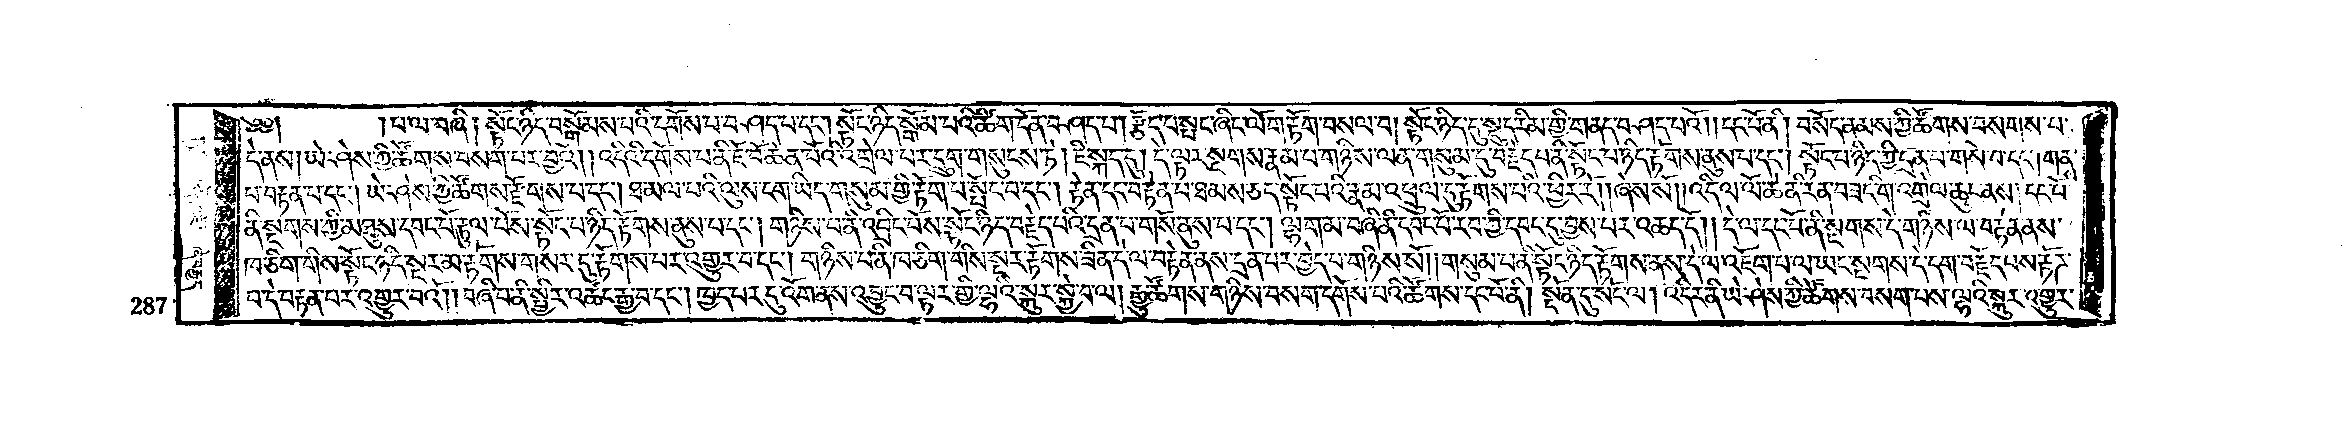༄༅། །པ་ལ་བཞི། སྟོང་ཉིད་བསྒོམས་པའི་དགོས་པ་བཤད་པ་དང་། སྟོང་ཉིད་སྒོམ་པའི་ཚིག་དོན་བཤད་པ། རྩོད་པ་སྤང་ཞིང་ལོག་རྟོག་བསལ་བ། སྟོང་ཉིད་དུ་སྡུད་རམ་གྱི་གནད་བཤད་པའོ། །དང་པོ་ནི། བསོད་ནམས་ཀྱི་ཚོགས་བསགས་པ་
དེ་ནས། ཡེ་ཤེས་ཀྱི་ཚོགས་བསག་པར་བྱའོ། །འདིའི་དགོས་པ་ནི་ཇོ་བོ་ཆེན་པོའི་འགྲེལ་པར་དྲུག་གསུངས་ཏེ། ཇི་སྐད་དུ། དེ་ལྟར་སྔགས་རྣམ་པ་གཉིས་ལན་གསུམ་དུ་བརྗོད་པ་ནི་སྟོང་པ་ཉིད་རྟོགས་ནུས་པ་དང་། སྟོང་པ་ཉིད་ཀྱི་དྲན་པ་གསོ་བ་དང་། གནས་
པ་བརྟན་པ་དང་། ཡེ་ཤེས་ཀྱི་ཚོགས་རྫོགས་པ་དང་། ཐ་མལ་པའི་ལུས་ངག་ཡིད་གསུམ་གྱི་རྟོག་པ་སྤོང་བ་དང་། རྟེན་དང་བརྟེན་པ་ཐམས་ཅད་སྟོང་པའི་རྣམ་འཕྲུལ་དུ་རྟོགས་པའི་ཕྱིར་རོ། །ཞེས་སོ། །འདི་ལ་ལོ་ཆེན་རིན་བཟང་གི་འགྲེལ་ཆུང་ནས། དང་པོ་
ནི་སྔགས་ཀྱི་མཐུས་དབང་པོ་རྟུལ་པོས་སྟོང་པ་ཉིད་རྟོགས་ནུས་པ་དང་། གཉིས་པ་ནི་འབྲིང་པོས་སྟོང་ཉིད་བརྗེད་པའི་དྲན་པ་གསོ་ནུས་པ་དང་། ལྷག་མ་བཞི་ནི་དབང་པོ་རབ་ཀྱི་དབང་དུ་བྱས་པར་འཆད་དོ། །དེ་ལ་དང་པོ་ནི་སྔགས་དེ་གཉིས་ལ་བརྟེན་ནས་
ཁ་ཅིག་གིས་སྟོང་ཉིད་སྔར་མ་རྟོགས་གསར་དུ་རྟོགས་པར་འགྱུར་བ་དང་། གཉིས་པ་ནི་ཁ་ཅིག་གིས་སྔར་རྟོགས་ཟིན་དེ་ལ་བརྟེན་ནས་དྲན་པར་བྱེད་པ་གཉིས་སོ། །གསུམ་པ་ནི་སྟོང་ཉིད་རྟོགས་ནས་དེ་ལ་འཇོག་པ་ལ་ཡང་སྔགས་དེ་དག་བརྗོད་པས་རྟོགས་
པ་དེ་བརྟན་པར་འགྱུར་བའོ། །བཞི་པ་ནི་སྤྱིར་འཚང་རྒྱ་བ་དང་། ཁྱད་པར་དུ་འོག་ནས་འབྱུང་བ་ལྟར་གྱི་ལྷའི་སྐུར་སྐྱེ་བ་ལ། རྒྱུ་ཚོགས་གཉིས་བསག་དགོས་པའི་ཚོགས་དང་པོ་ནི། སྔོན་དུ་སོང་ལ། འདིར་ནི་ཡེ་ཤེས་ཀྱི་ཚོགས་བསག་པས་ལྷའི་སྐུར་འགྱུར་